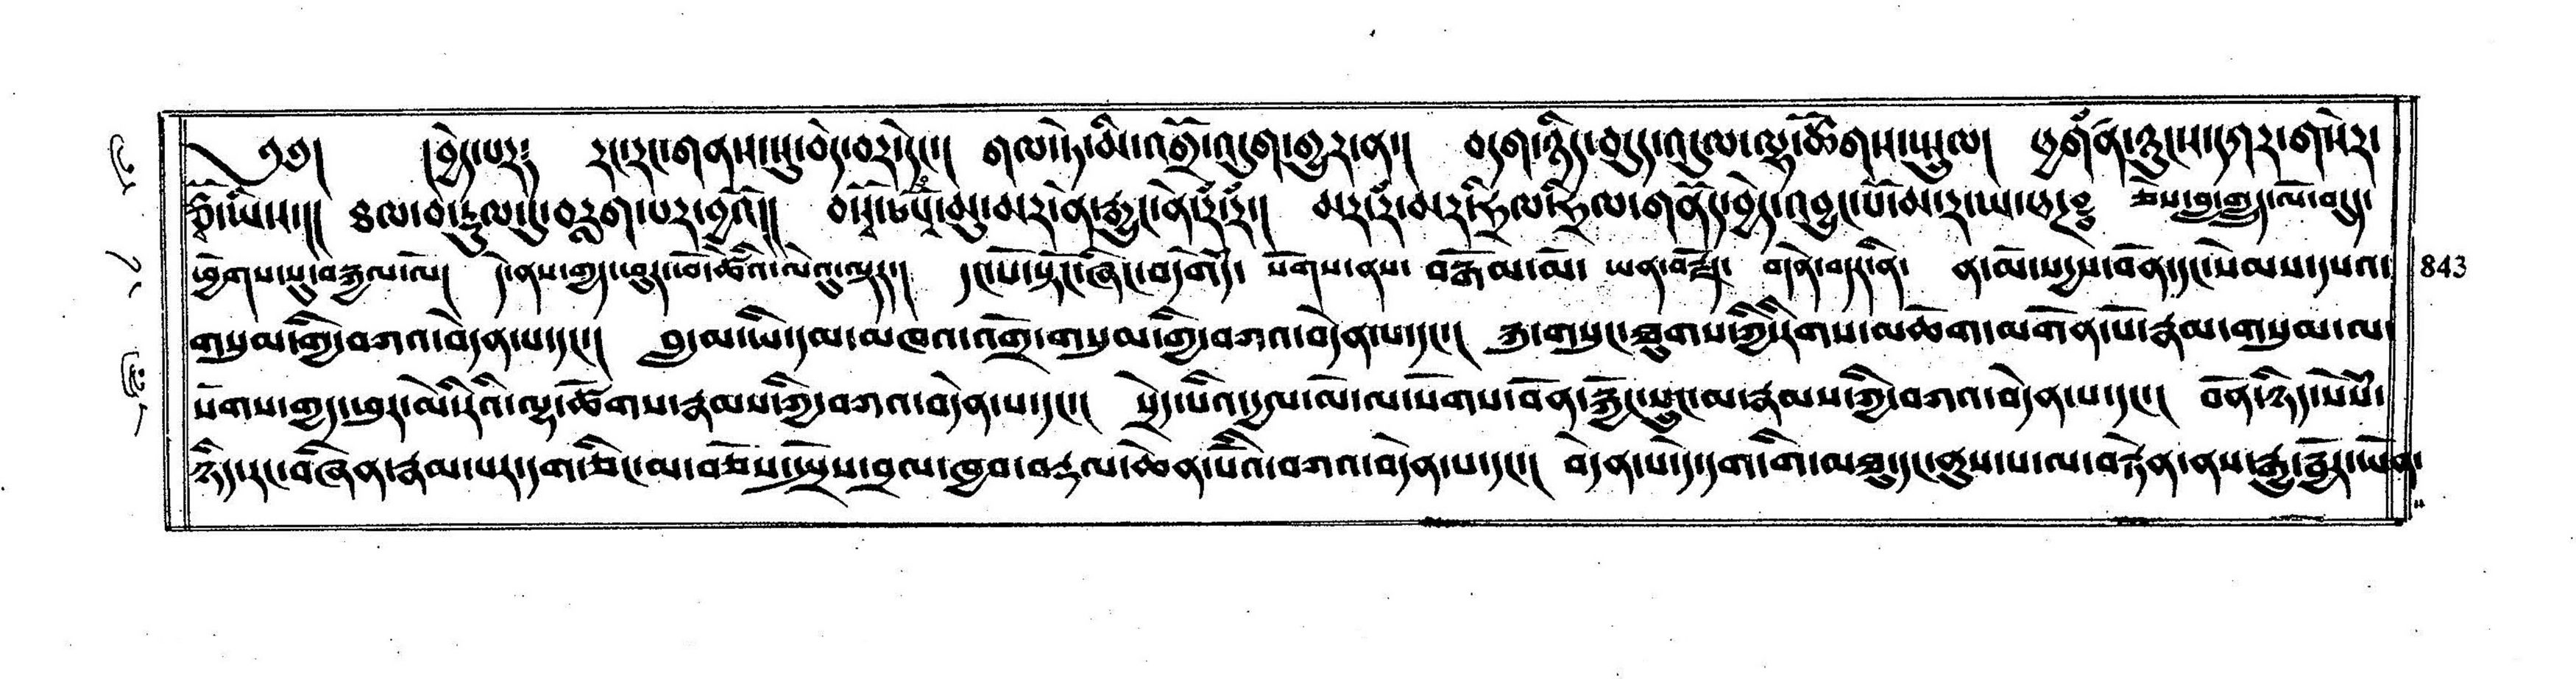བྱེད་པར། རང་རང་གནས་སུ་བདེ་བར་དེང་། གལ་ཏེ་མི་འགྲོ་འདུག་གྱུར་ན། བདག་ཉིད་བདུད་འདུལ་ལྷ་ཚོགས་སྤྲུལ། ཕྱག་མཚན་ཉུངས་དཀར་གསེར་
ཙྭོ་ཡིས།། ཐལ་བ་རྡུལ་དུ་བརླག་པར་བྱའོ།། བསྭོ་ཨཱོཾ་མུ་མར་ནེ་རྒྱུང་ནེ་རཾ་རཾ། མར་རཾ་མར་ཧྲིལ་ཧྲིལ་གནོད་བྱེད་འབྱུང་པོ་མ་ར་ཡ་ཕཊ༔ ཅེས་བླ་གླུད་ལོ་བདུད་
ཕྱོགས་སུ་བསྐྱལ་ལོ། དེ་ནས་གྱད་ཕུར་ཕོ་ཚེའི་ལེའུ་ལྟར། དང་པོ་སྟོང་ཞིང་བདག་མེད་སོགས་ནས་བསྒོམ་མོ་ཡན་བརྗོད་བདེན་བདར་ནི་ན་མོ་སངས་རྒྱས་བོན་དང་སེམས་དཔའ་
གསུམ་གྱི་བཀའ་བདེན་པ་དང་། བླ་མ་ཡི་དམ་མཁའ་འགྲོ་གསུམ་གྱི་བཀའ་བདེན་པ་དང་། སྐུ་གསུང་ཐུགས་ཀྱི་རིགས་མཆོག་མགོན་པོ་རྣམ་གསུམ་ལ་
སོགས་གྱད་ཕུར་མེ་རིའི་ལྷ་ཚོགས་རྣམས་ཀྱི་བཀའ་བདེན་པ་དང་། སྲིད་པའི་རྒྱལ་མོ་ལ་སོགས་བོན་སྐྱོང་སྲུང་མ་རྣམས་ཀྱི་བཀའ་བདེན་པ་དང་། བོན་ཉིད་སེམས་
ཉིད་རང་བཞིན་རྣམ་པར་དག་ཅིང་མ་བཅོས་སྤྲོས་བྲལ་ཁྱབ་བརྡལ་ཆེན་པོའི་བཀའ་བདེན་པ་དང་། བདེན་པ་དེ་དག་གི་མཐུ་དང་ནུས་པ་ལ་བརྟེན་ནས་རྒྱུ་སྦྱོར་ཡོན་